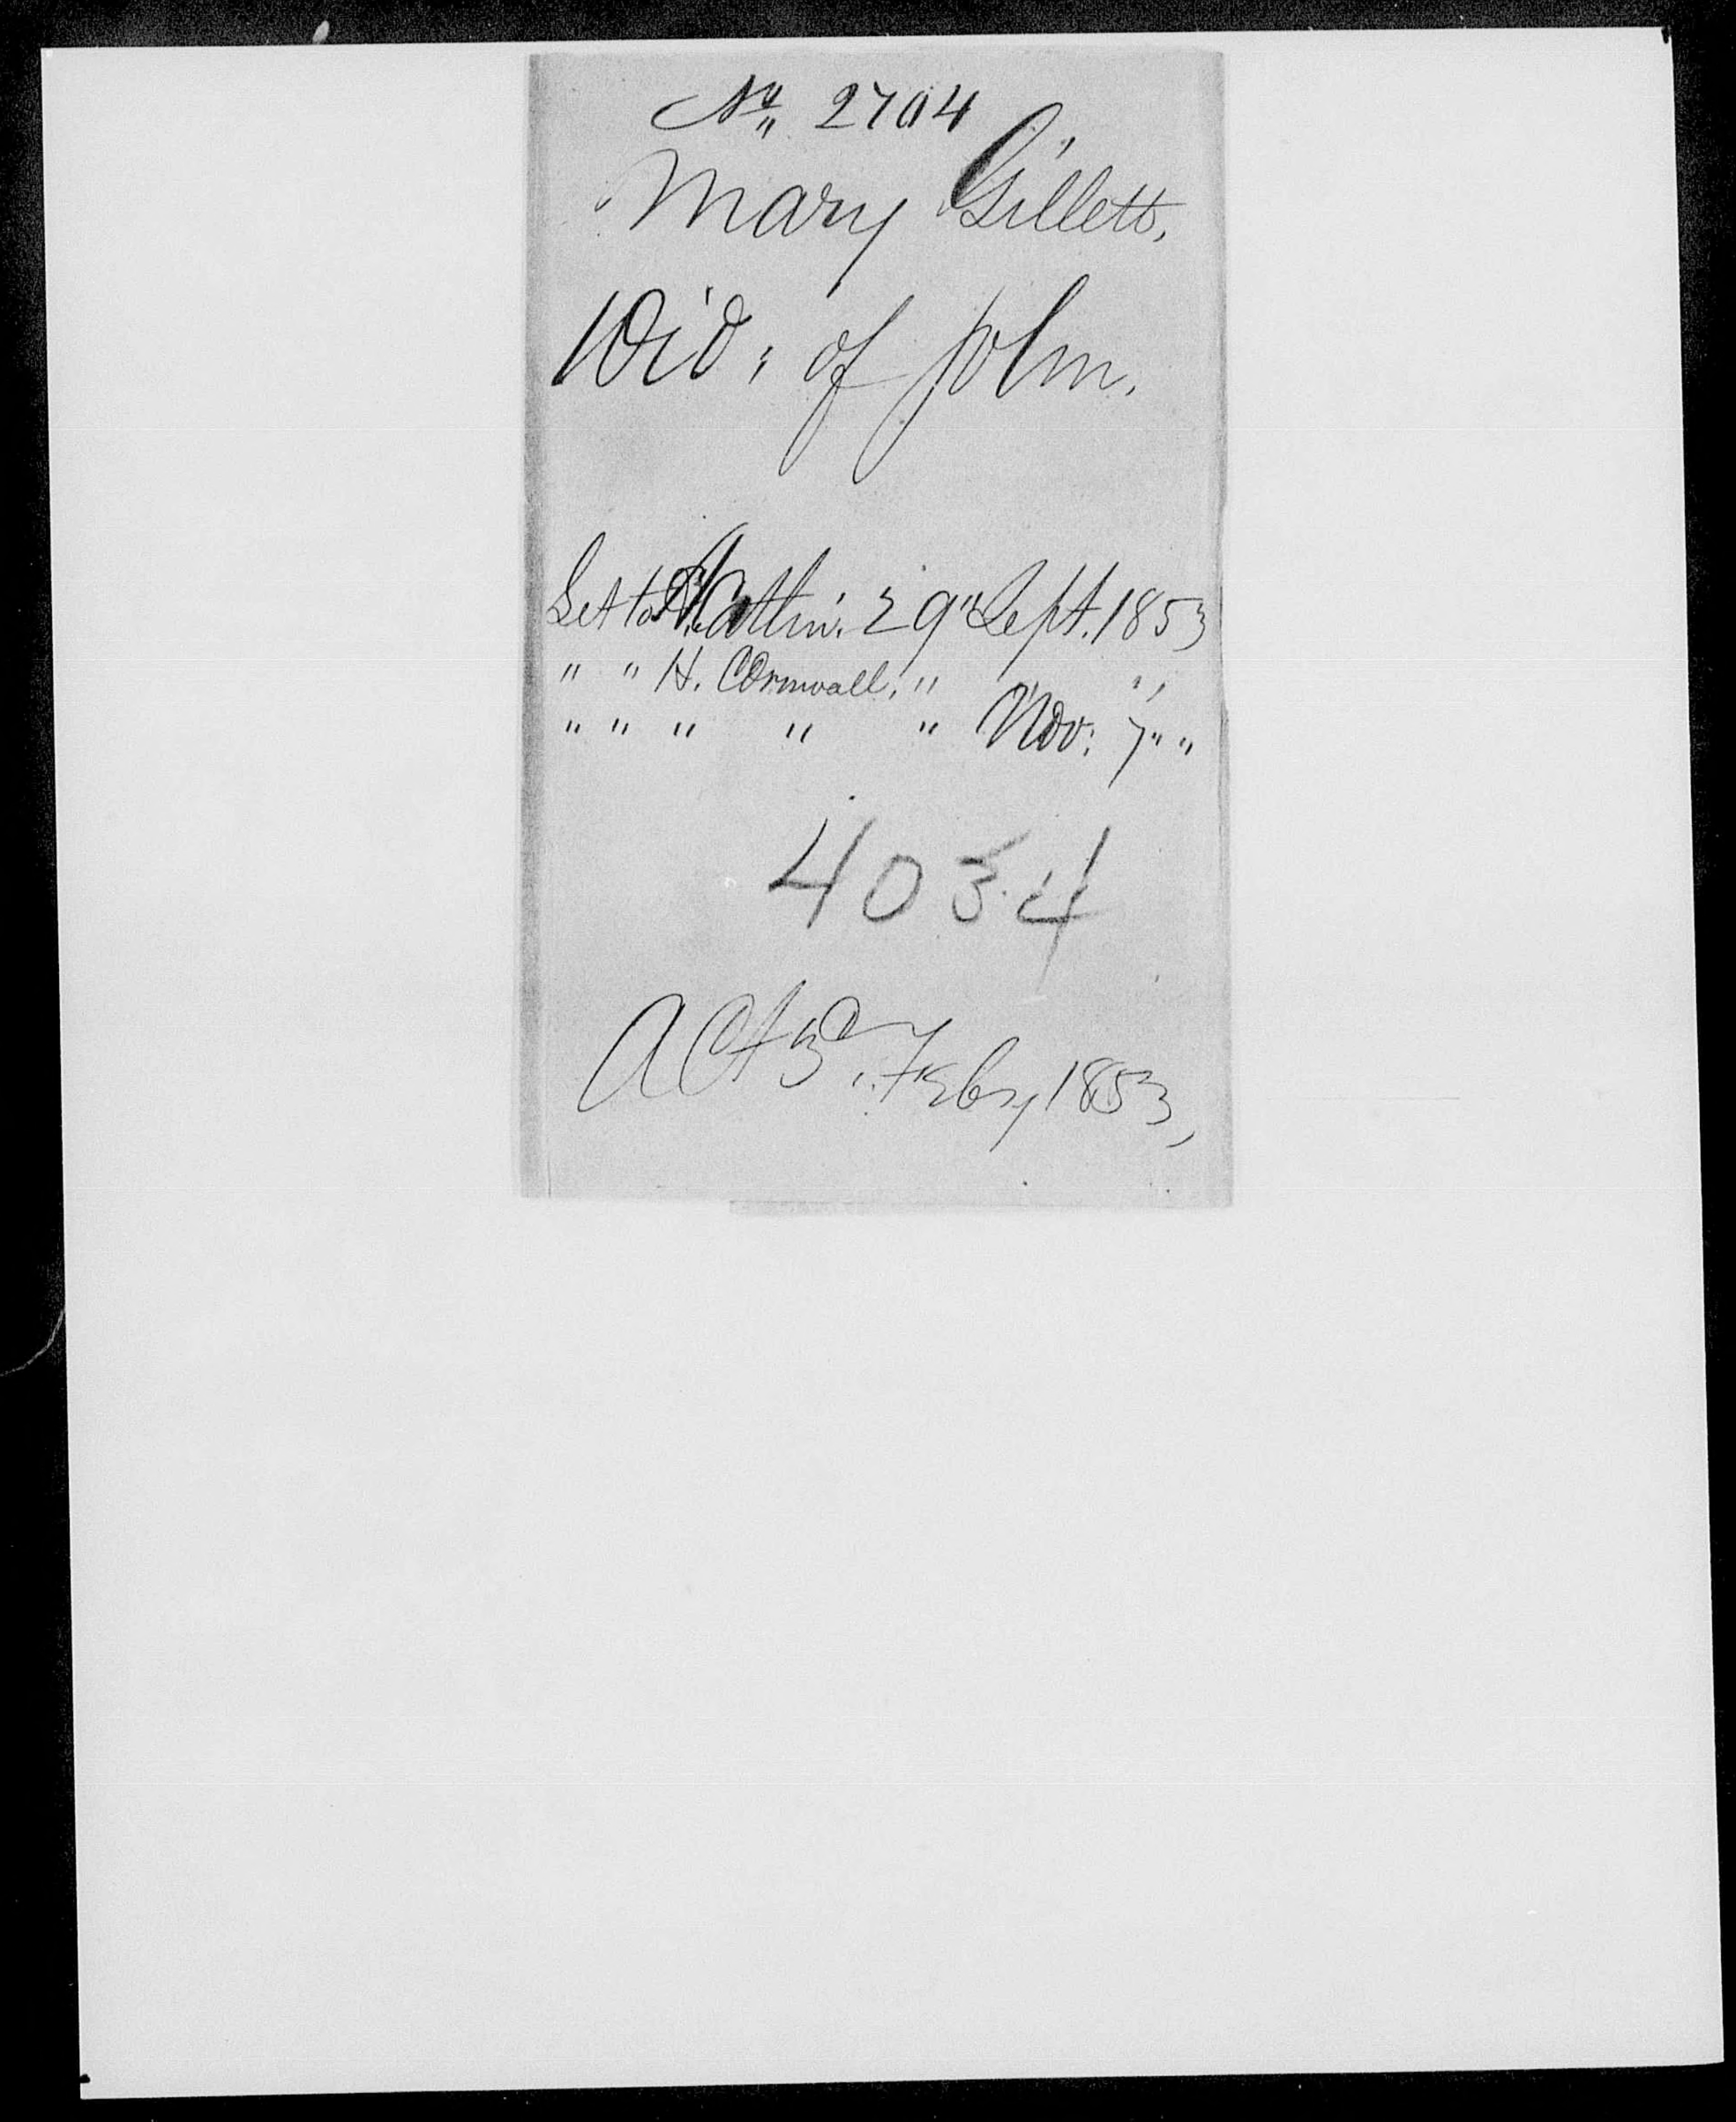No. 2704

Mary Gillet
Wid. of John

Let to A Catlin        29 Sept 1853
Let to H. Cornwall    "     "       "
  "   "   "        "           "   Nov. 7 "  "

    4034
Act 3d Feby 1853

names: H Cornwall, Mary Gillett, John Gillett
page: 12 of 40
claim: survivor's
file: S. 36,537 And R. 4034, John Gillet, Conn.